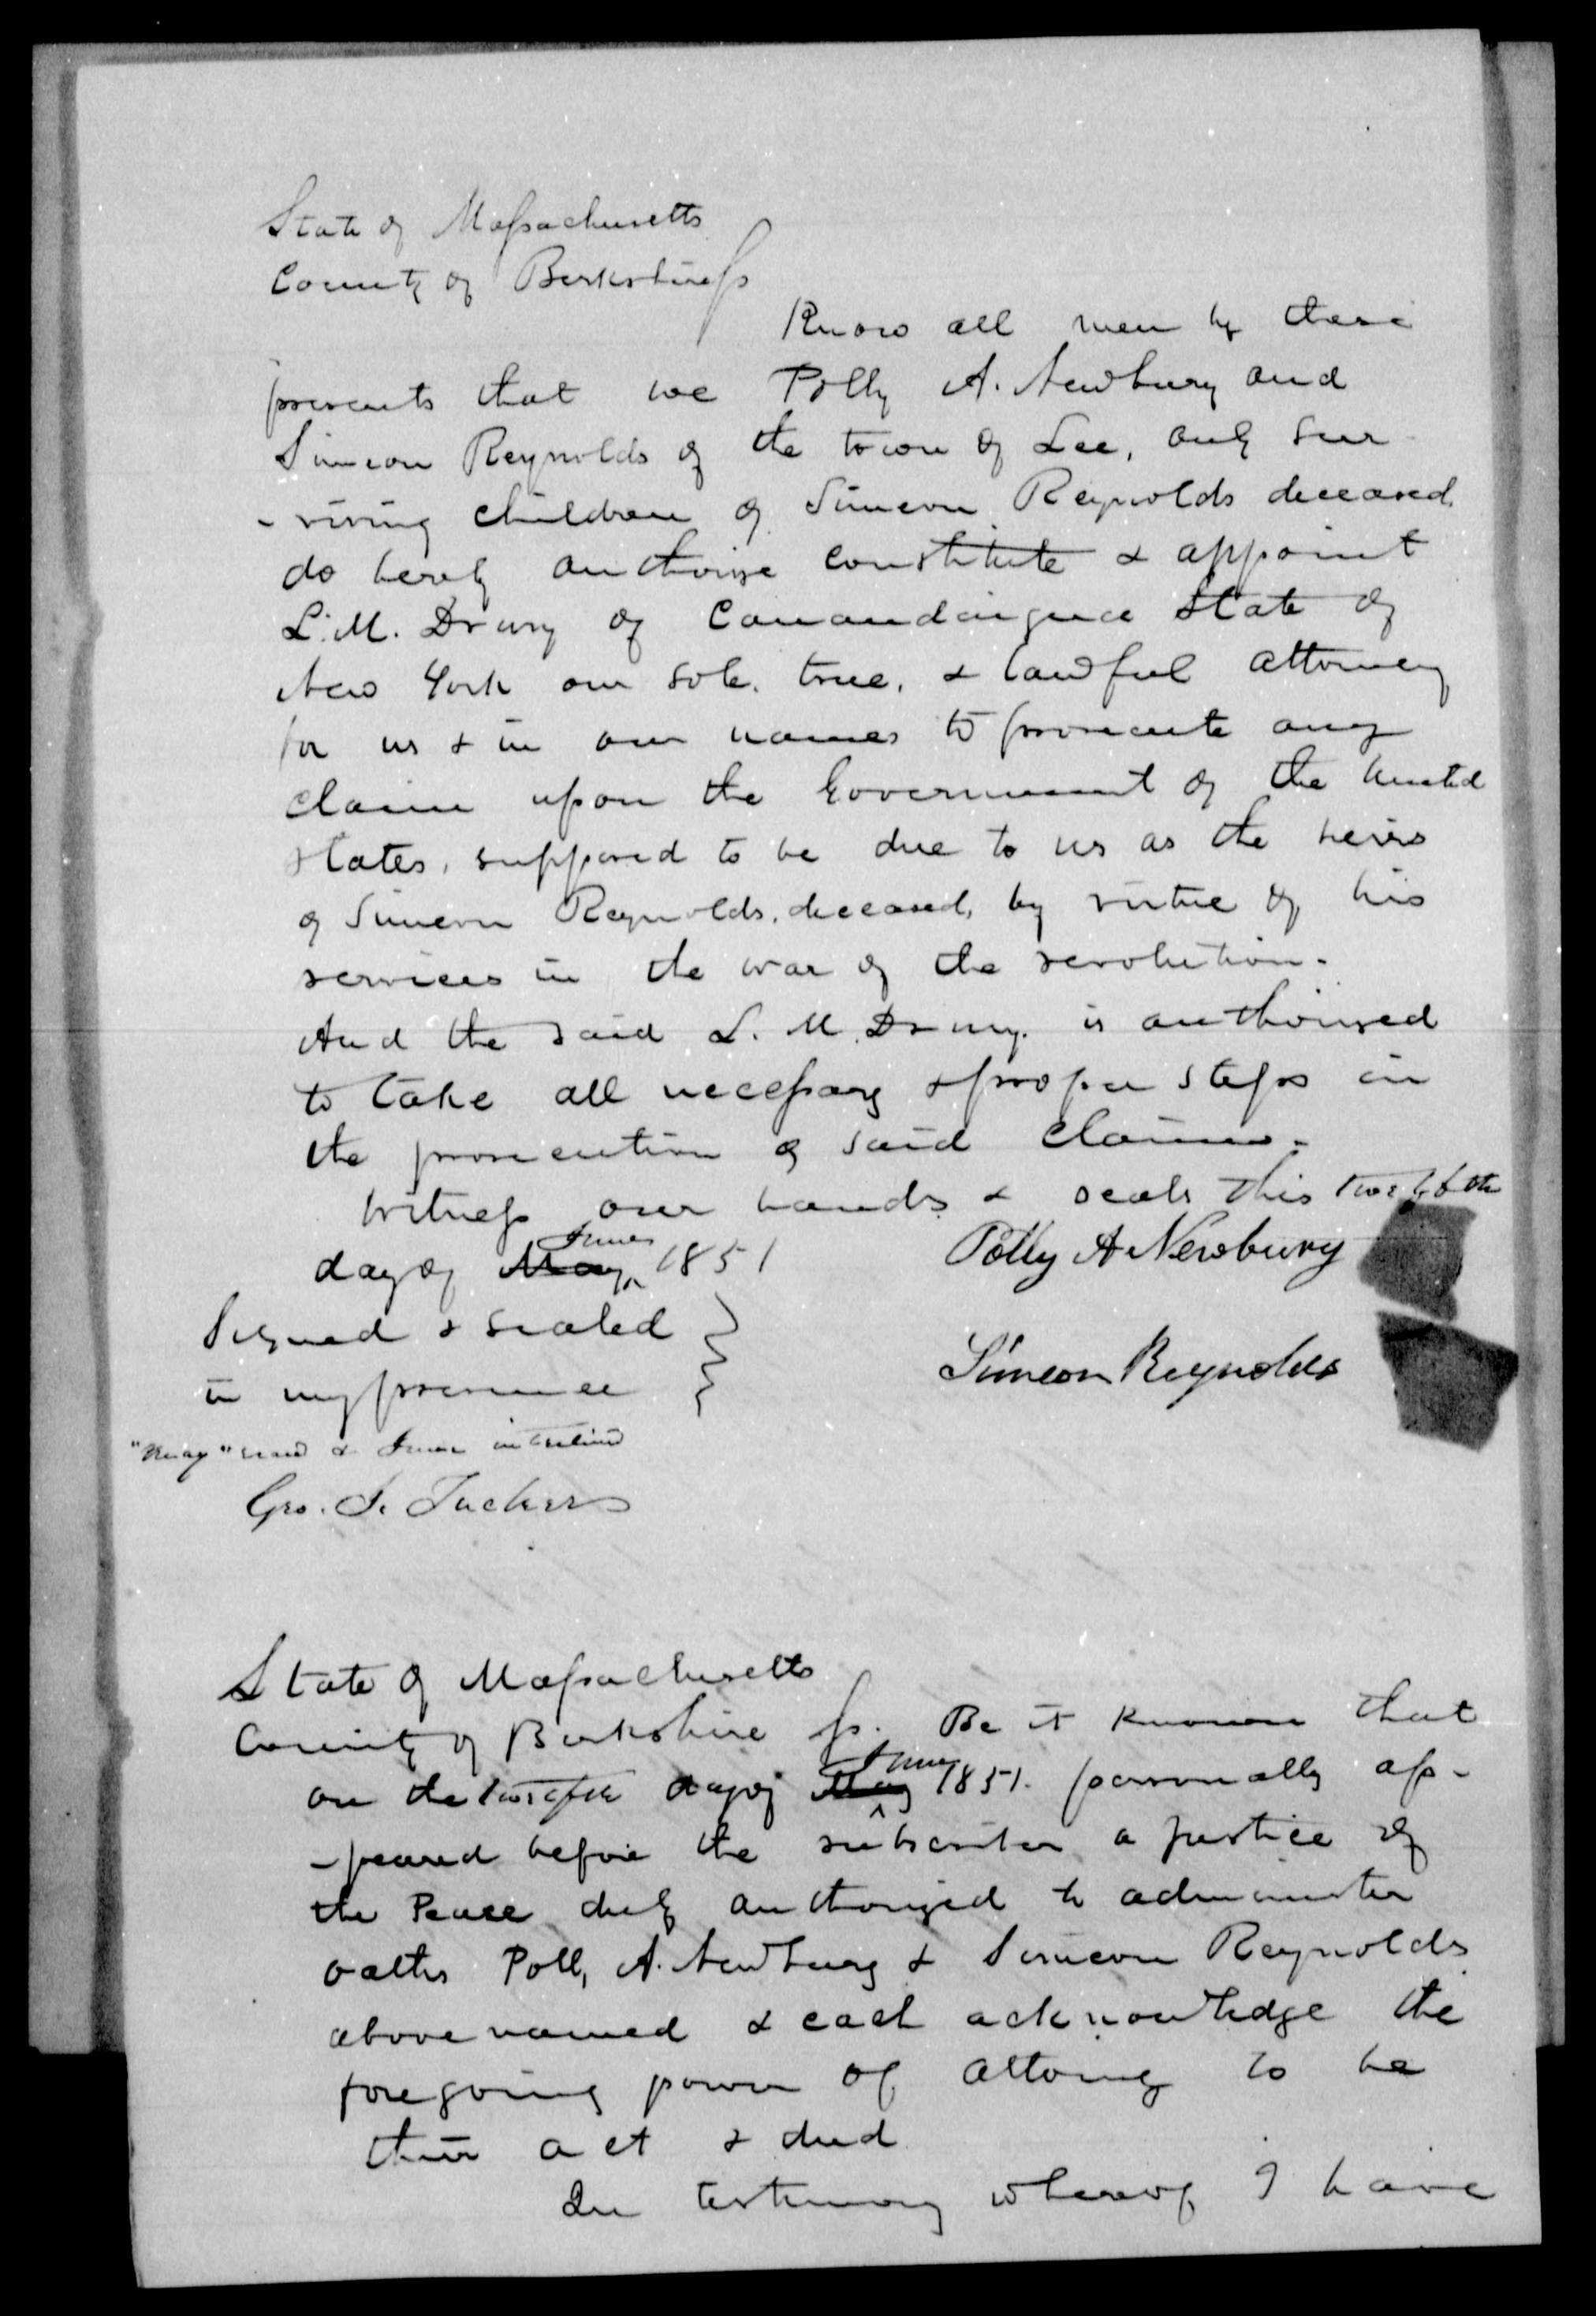State of Massachusetts
County of Berkshire

Know all men by these presents that we Polly A. Newbury and Simeon Reynolds of the town of Lee, and our surviving children of Simon Reynolds deceased do hereby authorise constitute & appoint L.M. Drury of Canandaigua State of New York our sole true & lawful attorney for us & in our names to prosecute any Claim upon the Government of the United States, supposed to be due to us as the heirs of Simeon Reynolds, deceased, by virtue of his services in the war of the revolution. And the said L. M. Drury is authorized to take all necessary & proper steps in the prosecution & said claims.

Witness our hands & seals this twelfth day of June 1851

Polly A. Newbury
Simeon Reynolds

signed & sealed
my presence
"May" [illegible] and June interlined
Geo. J. Tucker

State of Massachusetts
Country of Berkshire ss. Be it known
that on the twelfth day of June 1851 personally as appeared before the subscriber a Justice of
the Peace duly authorized to administer oaths Poll, A. Newburg & Simon Reynolds above named & each acknowledge the foregoing power of attorney to be their act & deed.
In testimony whereof I have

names: Simeon Reynolds; Polly A Newbury; Simeon Reynolds; Polly A Newbury; Simeon Reynolds; L M Drury; L M Drury; Simeon Reynolds; Simeon Reynolds; Polly A Newbury; Geo J Tucker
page: 13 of 20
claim: survivor's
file: S. 41,094, for Simeon Reynolds, Connecticut